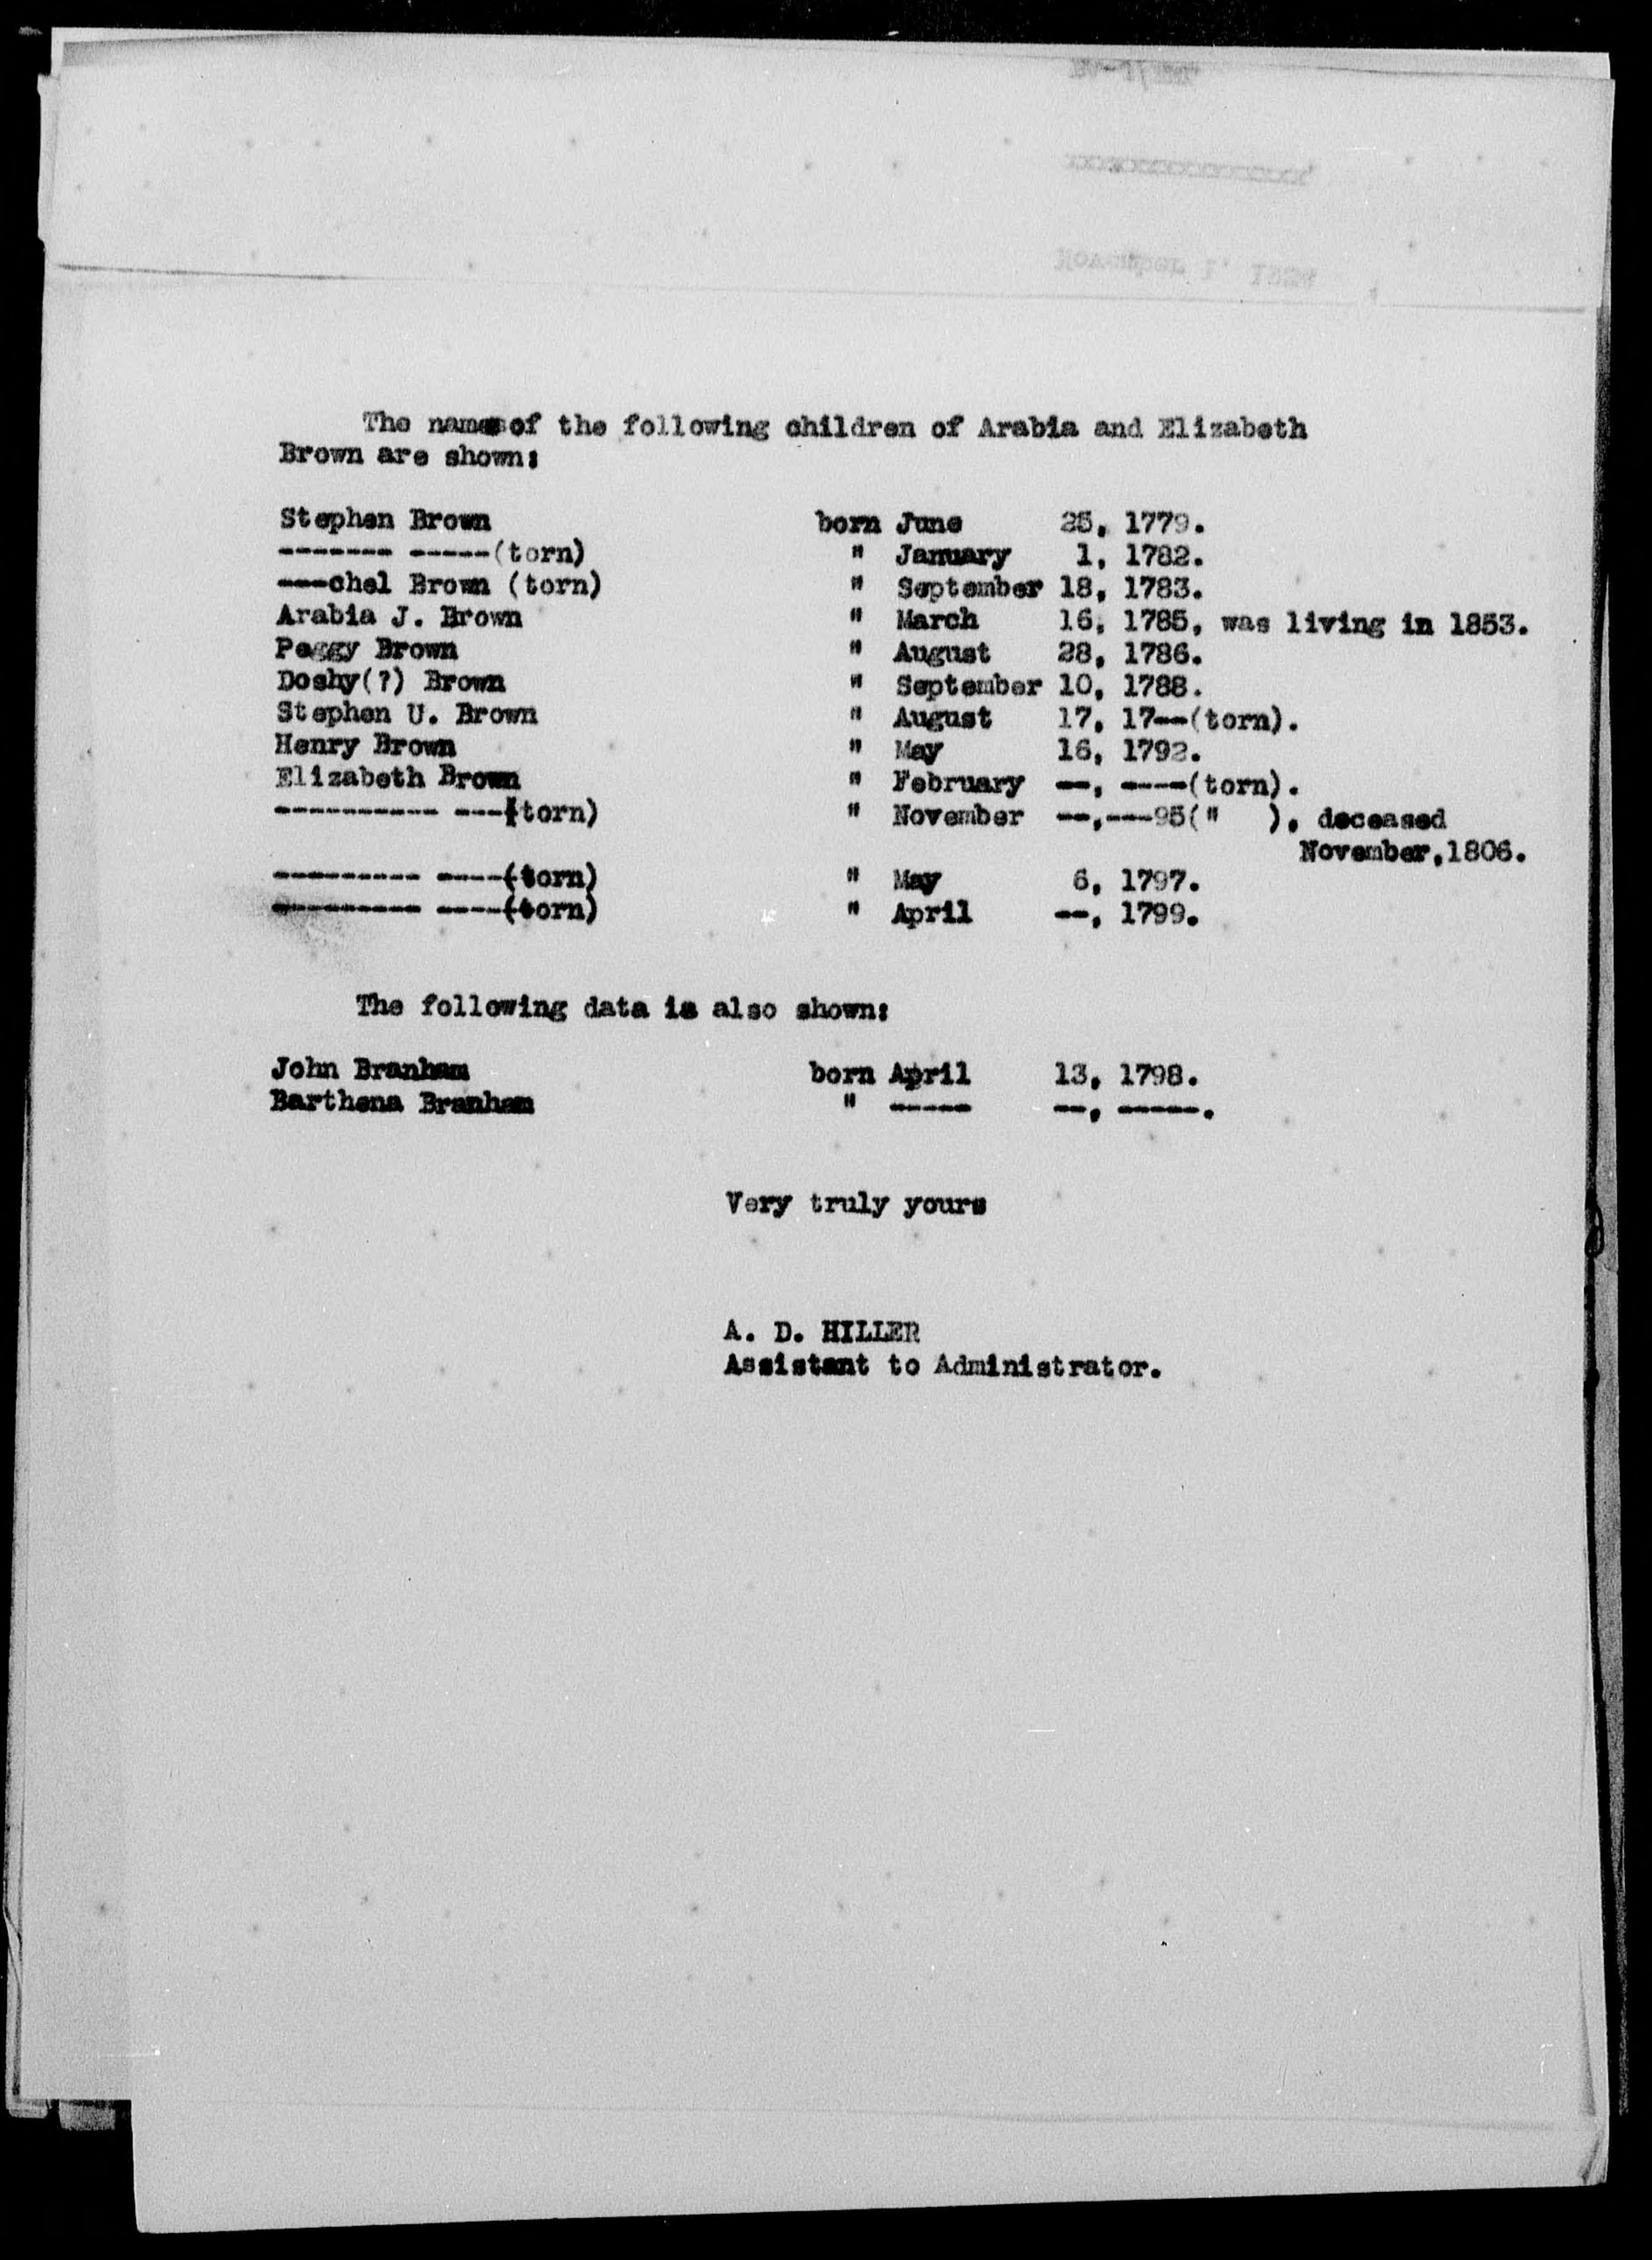The names of the following children of Arabia and Elizabeth 
Brown are shown:

Stephen Brown Born June 25, 1779.
------- ----(torn) "       January 1, 1782
---chal Brown (town) " September 18, 1783
Arabia J. Brown.      " March 16, 1785, was living in 1853.
Peggy Brown.  " August 28, 1786.
Doshy(?) Brown " September 10, 1788
Stephen U Brown " August 17, 17-- (torn)
Henry Brown. " May 16, 1792
Elizabeth Brown " February --, ---(torn)
----- ----- (torn) " November --, --95 deceased November, 1806.

----  --- (torn) " May 6, 1797
--- -----(torn) " April --, 1799

The following data is also shown:
John Branham born April 13, 1798.
Barthena Branham " --- ---, ---- 

Very truly yours

A.D. Hiller
Assistant to Administrator.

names: A D Hiller, Peggy Brown, Stephen U Brown, Doshy Brown, Arabia Brown, Henry Brown, Arabia J Brown, Elizabeth Brown, Chel Brown, Stephen Brown, Elizabeth Brown, Barthena Branham, John Branham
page: 39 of 65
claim: widow's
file: W. 8384, Arabia Brown, Va.